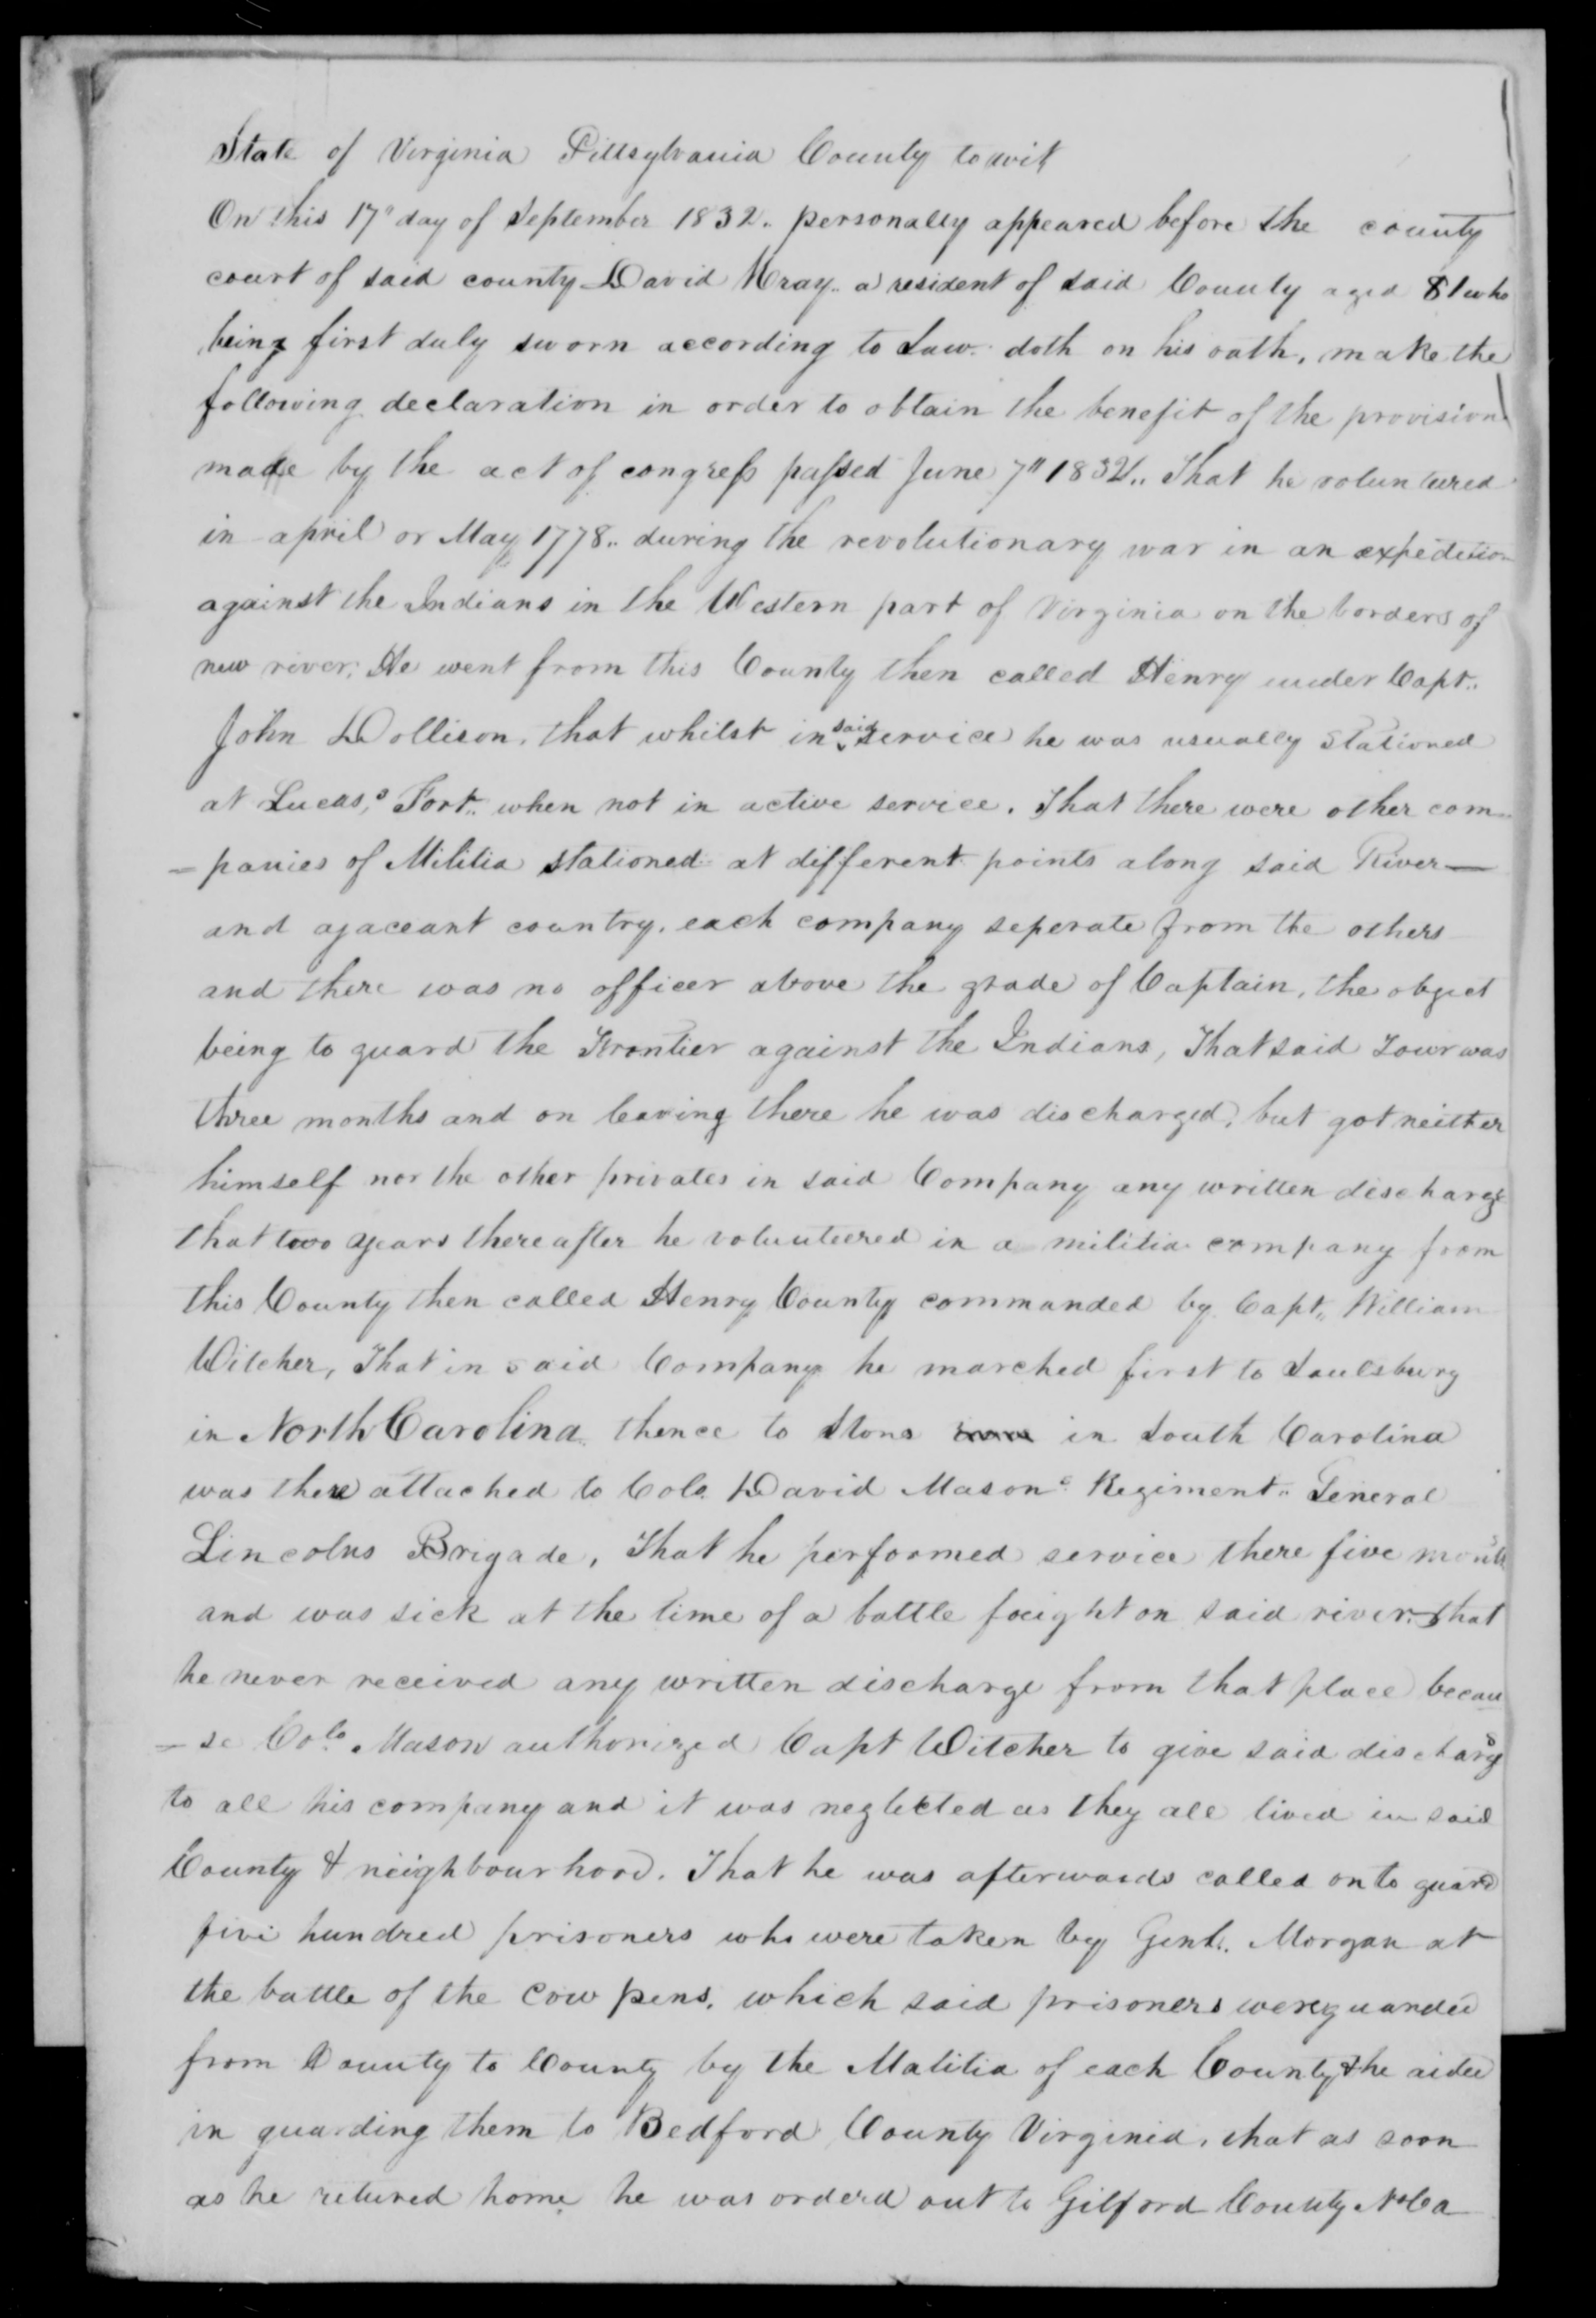State of Virginia Pittsylvania County to wit
On this 17 day of September 1832, personally appeared before the county court of said county David Wray, a resident of said County aged 81 who being first duly sworn according to Law doth on his oath, make the following declaration in order to obtain the benefit of the provision made by the act of congress passed June 7th 1832.  That he volunteered in April or May 1778, during the revolutionary war in an expedition against the Indians in the Western part of Virginia on the borders of new river.  He went from this County then called Henry under Capt. John Dollison, that whilst in said service he was usually stationed at Lucas' Fort when not in active service.  That there were other companies of Militia stationed at different points along said River - and ajaceant country, each company separate from the others and there was no officer above the grade of Captain, the object being to guard the Frontier against the Indians.  That said Towr was three months and on leaving there he was discharged, but got neither himself nor the other privates in said company any written discharge that two years thereafter he volunteered in a militia company from this County then called Henry County commanded by Capt. William Witcher. That in said Company he marched first to Saulsbury in North Carolina thence to Stone [word ia crossed out] in South Carolina was then attached to Cols. David Mason's Regiment, General Lincolns Brigade.  That he performed service there five months and was sick at the time of a battle fought on said river, that he never received any written discharge from that place because Col. Mason authorized Capt. Witcher to give said discharge to all his company and it was neglected as they all lived in said County + neighborhood.  That he was afterwards called on to guard five hundred prisoners who were taken by Genl. Morgan at the battle of the Cowpens, which said prisoners were guarded from County to County by the Militia of each County + he aided in guarding them to Bedford County Virginia, that as soon as he returned home he was ordered out to Gilford County NoCa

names: Mason, Morgan, John Dollison, William Witcher, David Wray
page: 3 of 19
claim: survivor's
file: S. 7,973, David Wray, Va.